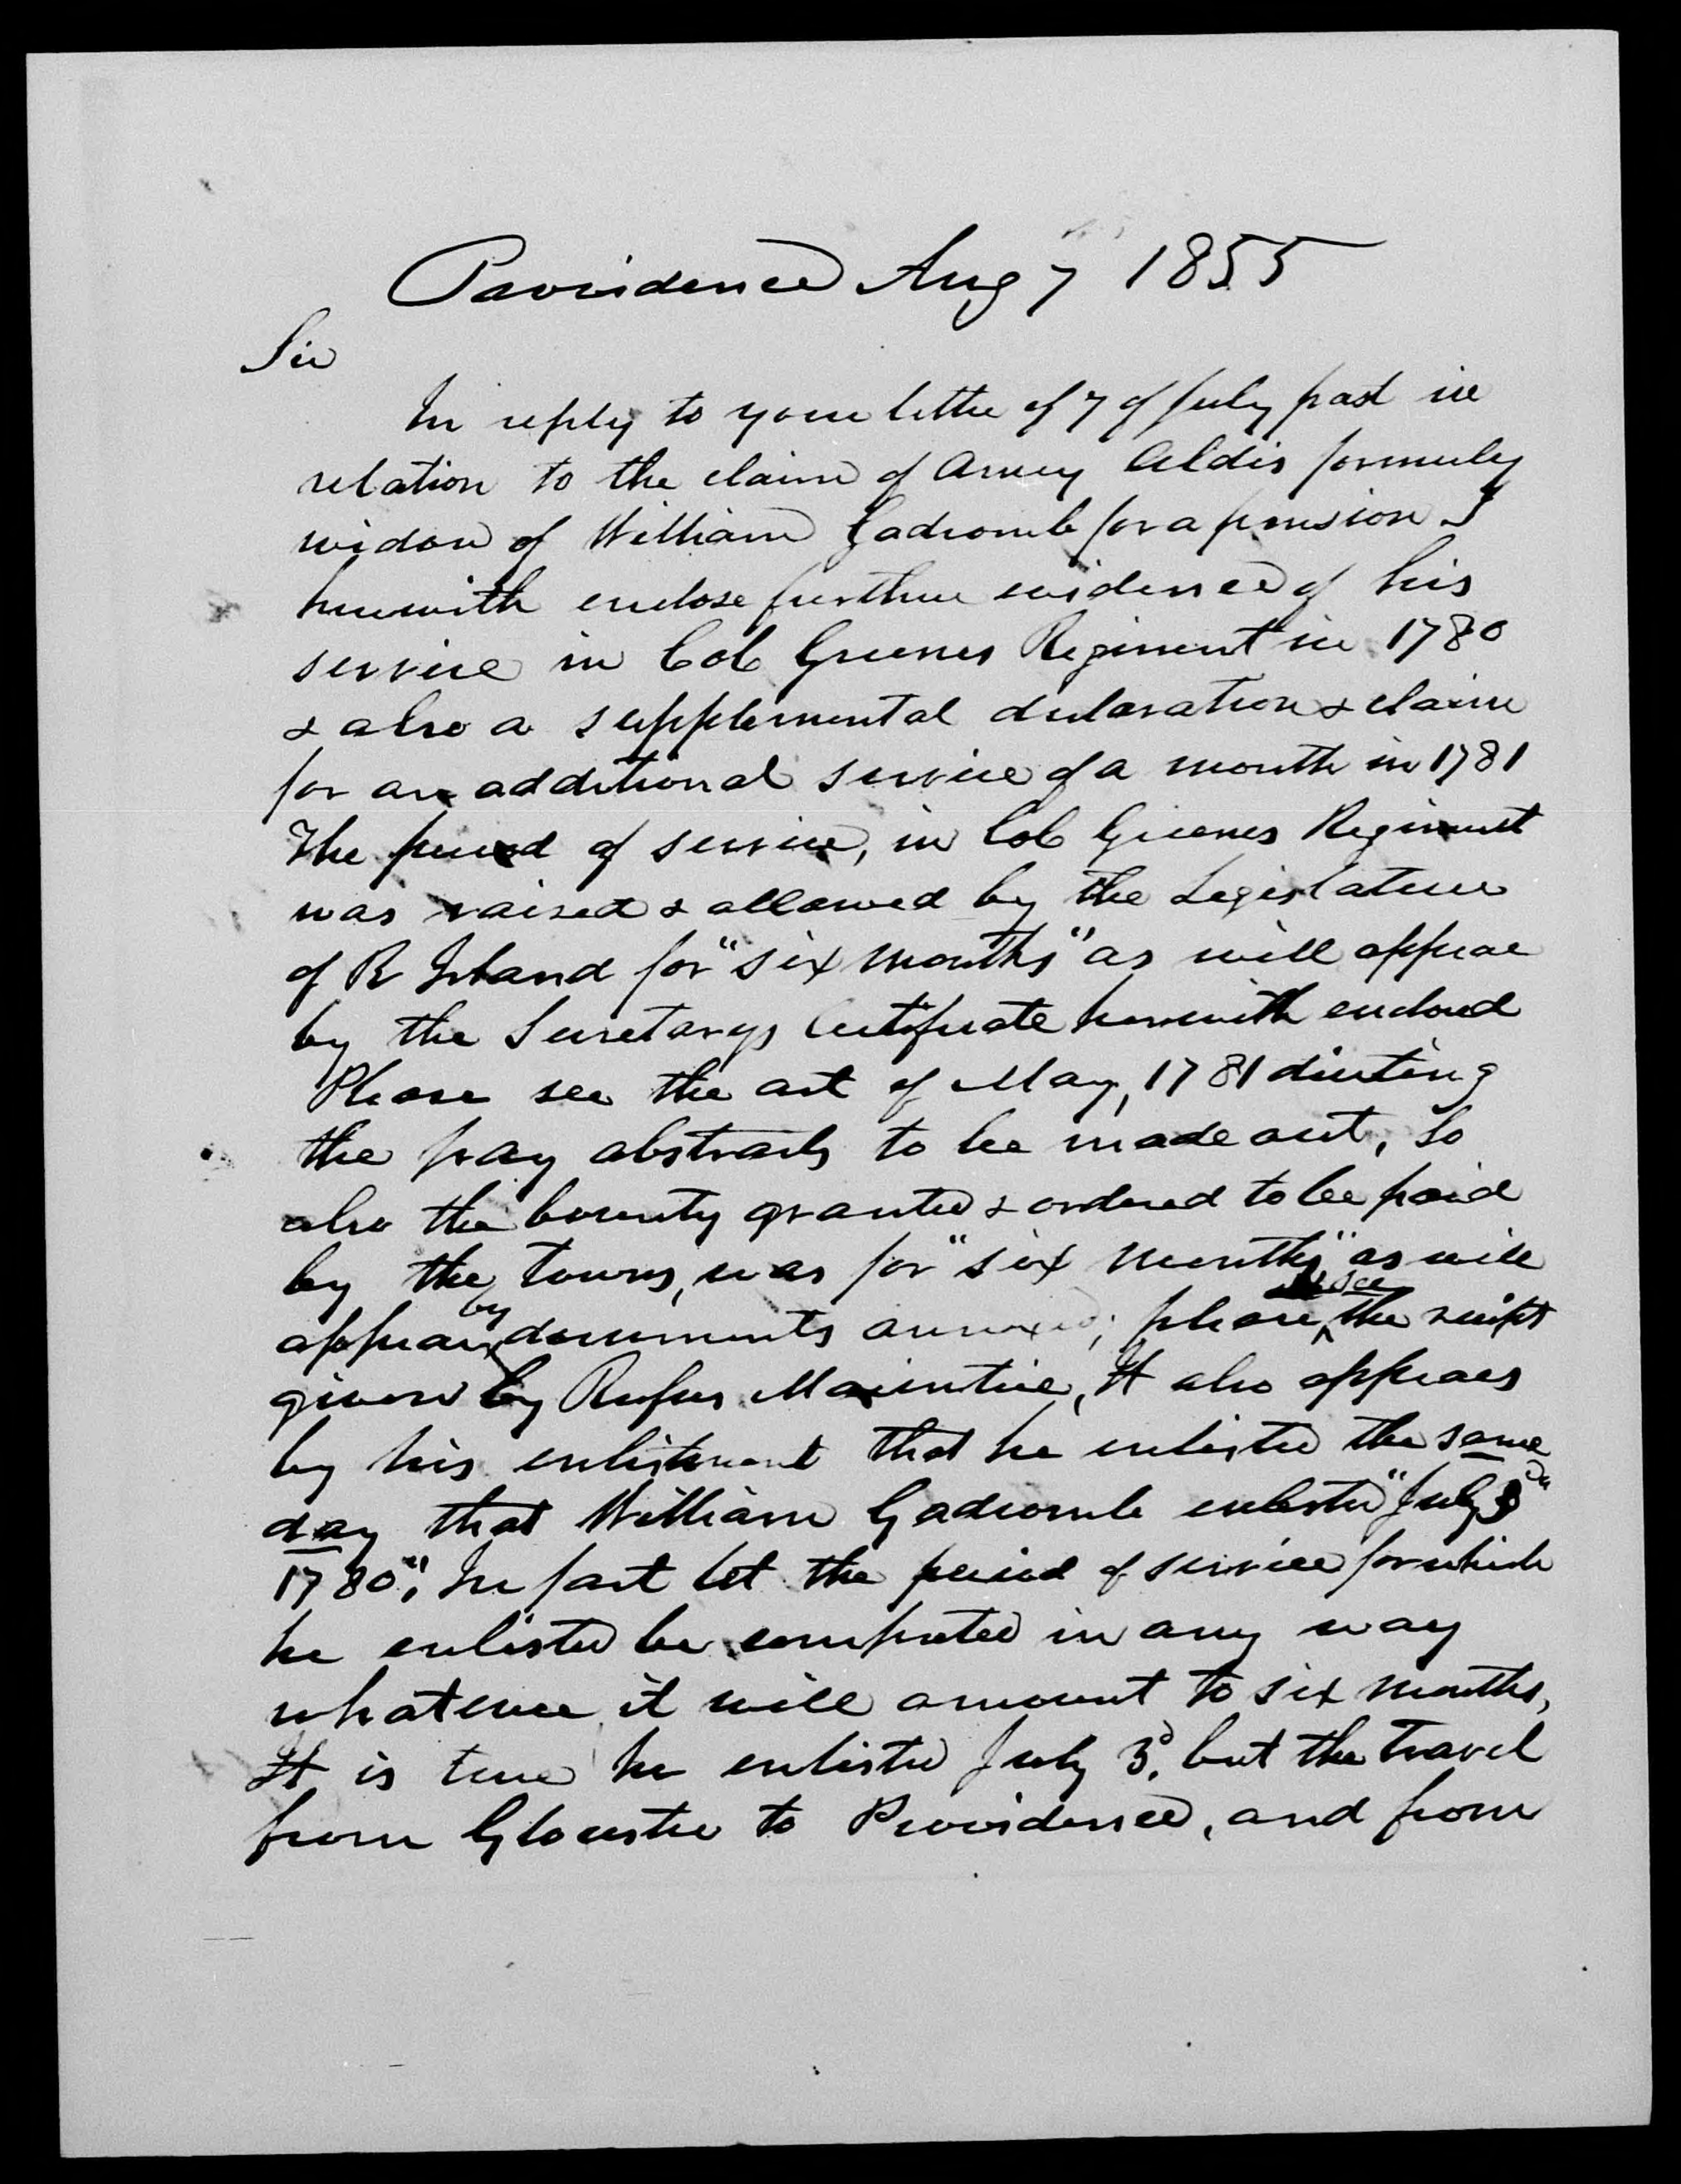Providence Aug 7 1855
Sir
In reply to your letter of 7 of July past in relation to the claim of Amey Aldis formerly widow of William Gadcomb for a pension I herewith enclose further evidence of his service in Col. Greenes Regiment in 1780 & also a supplemental declaration & claim for an additional service of a month in 1781. The period of service of a month in 1781 was raised & allowed by the Legislature of R. Island for "six months" as will appear by the Secretary's certificate herewith enclosed. Please see the act of May, 1781 directing the pay abstracts to be made out, so also the bounty granted & ordered to be paid by the towns, was for "six montohs" as will appear by documents annexed, please see the receipt given by Rufus Macintire, It also appears by his enlistment that he enlisted the same day that William Gadcomb enlisted "July 3d 1780." In fact let the period of service for which he enlisted be computed in any way whatever it will amount to six months. It is true he enlisted July 3d but the travel from Glocester to Providence, and from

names: William Gadcomb, William Gadcomb, Rufus Macintire, Amey Aldis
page: 33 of 76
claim: widow's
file: W. 15,517, William Gadcomb, R.I.